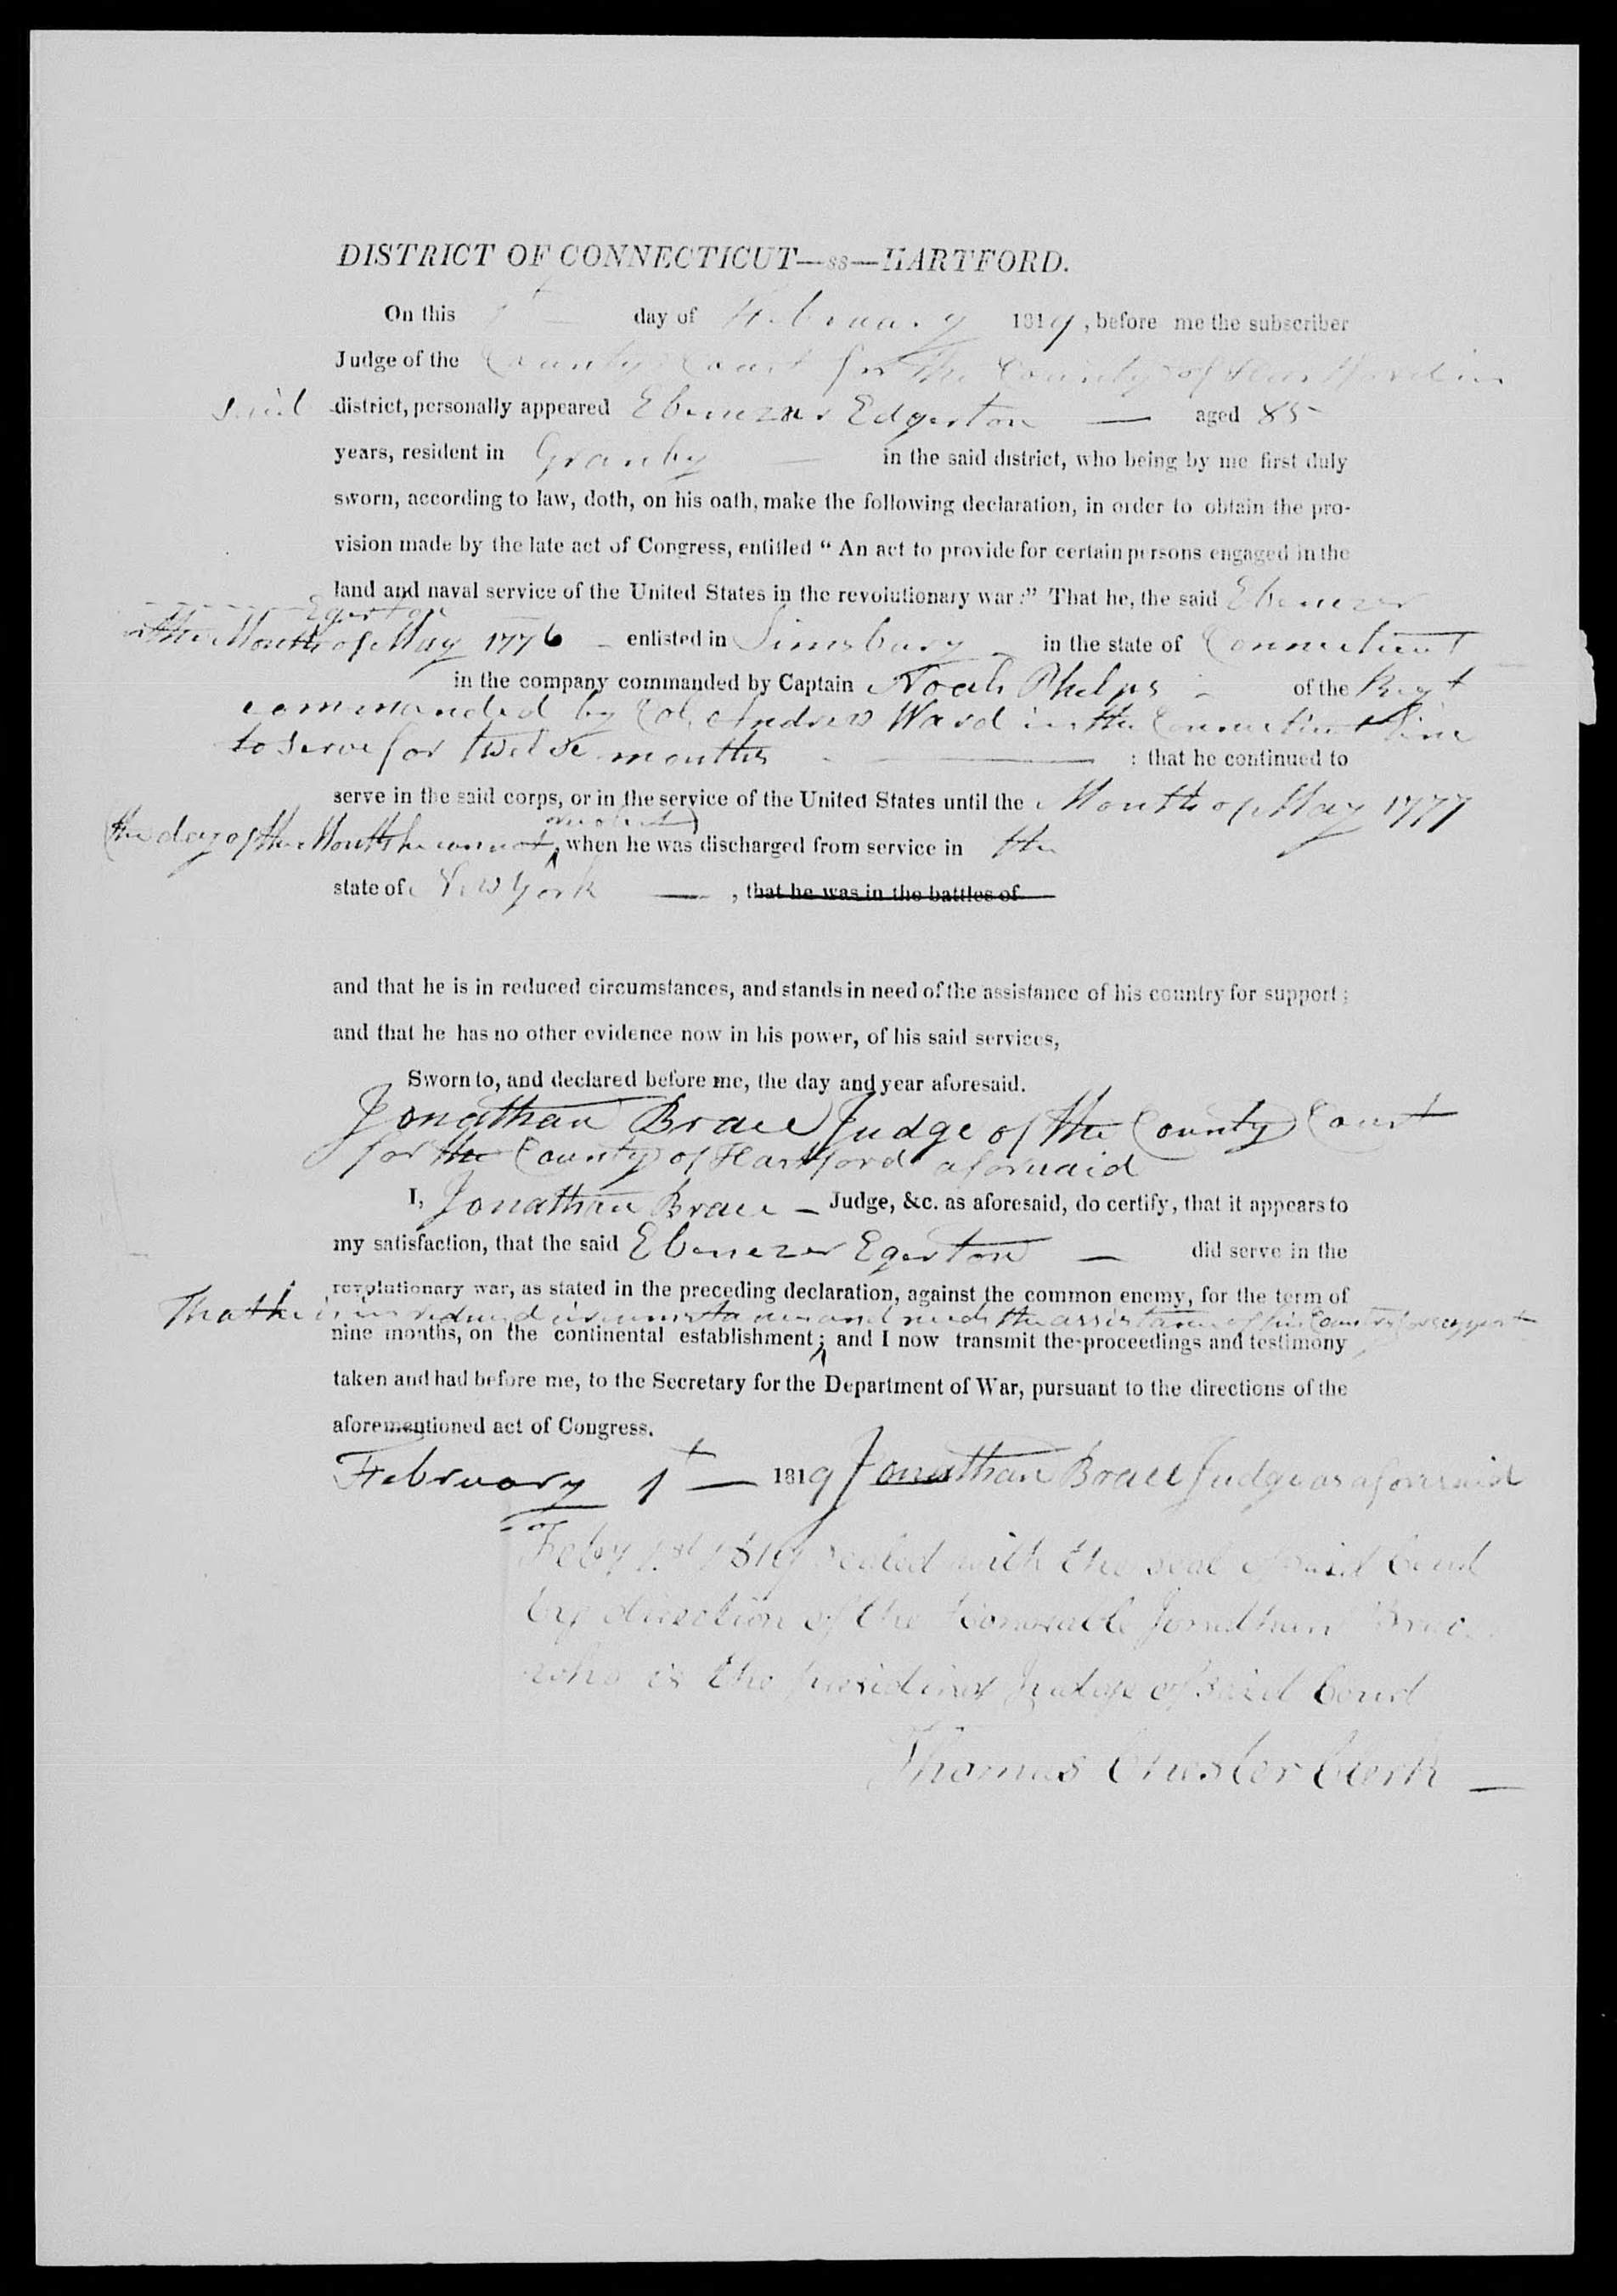DISTRICT OF CONNECTICUT -- ss -- HARTFORD

On this [Illegible] day of February 1819, before me the subscriber Judge of the County Court for the County of Hartford in said district, personally appeared Ebenezer Edgerton - aged 85 years, resident in Granby - in the said district, who being by me first duly sworn, according to law, doth, on his oath, make the following declaration, in order to obtain the provision made by the late act of Congress, entitled "An act to provide for certain persons engaged in the land and naval service of the United States in the revolutionary war:" That he, the said Ebenezer Egerton the Month of May 1776 enlisted in Simsbury in the state of Connecticut in the company commanded by Captain Noah Phelps of the Regt commanded by Col Andrew Ward in the Connecticut line to serve for twelve months: that he continued to serve in the said corps, or in the service of the United States until the Month of May 1777 (the day of the Month he cannot recollect) when he was discharged from service in the state of New York, [that he was in the battles of is lined through]

and that he is in reduced circumstances, and stands in need of the assistance of his country for support;
and that he has no other evidence now in his power, of his said services,

Sworn to, and declared before me, the day and year aforesaid.

Jonathan Brace Judge of the County Court for the County of Hartford aforesaid

I, Jonathan Brace - Judge, &c. as aforesaid, do certify, that it appears to my satisfaction, that the said Ebenezer Egerton - did serve in the revolutionary war, as stated in the preceding declaration, against the common enemy, for the term of nine months, on the continental establishment; That he is in reduced circumstances and needs the assistance of his Country for support; and I now transmit the proceedings and testimony taken and had before me, to the Secretary for the Department of War, pursuant to the directions of the aforementioned act of Congress.

February 1st 1819  Jonathan Brace Judge as aforesaid
Feby 1st 1819  Sealed with the seal of said Court
by direction of the Honorable Jonathan Brace who is the presiding Judge of said Court

Thomas Chester  Clerk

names: Ebenezer Edgerton, Thomas Chester, Ebenezer Egerton, Jonathan Brace, Noah Phelps, Andrew Ward, Ebenezer Egerton, Jonathan Brace, Jonathan Brace, Jonathan Brace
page: 4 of 18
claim: survivor's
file: S. 37,904, Ebenezer Edgerton, [BLANK]